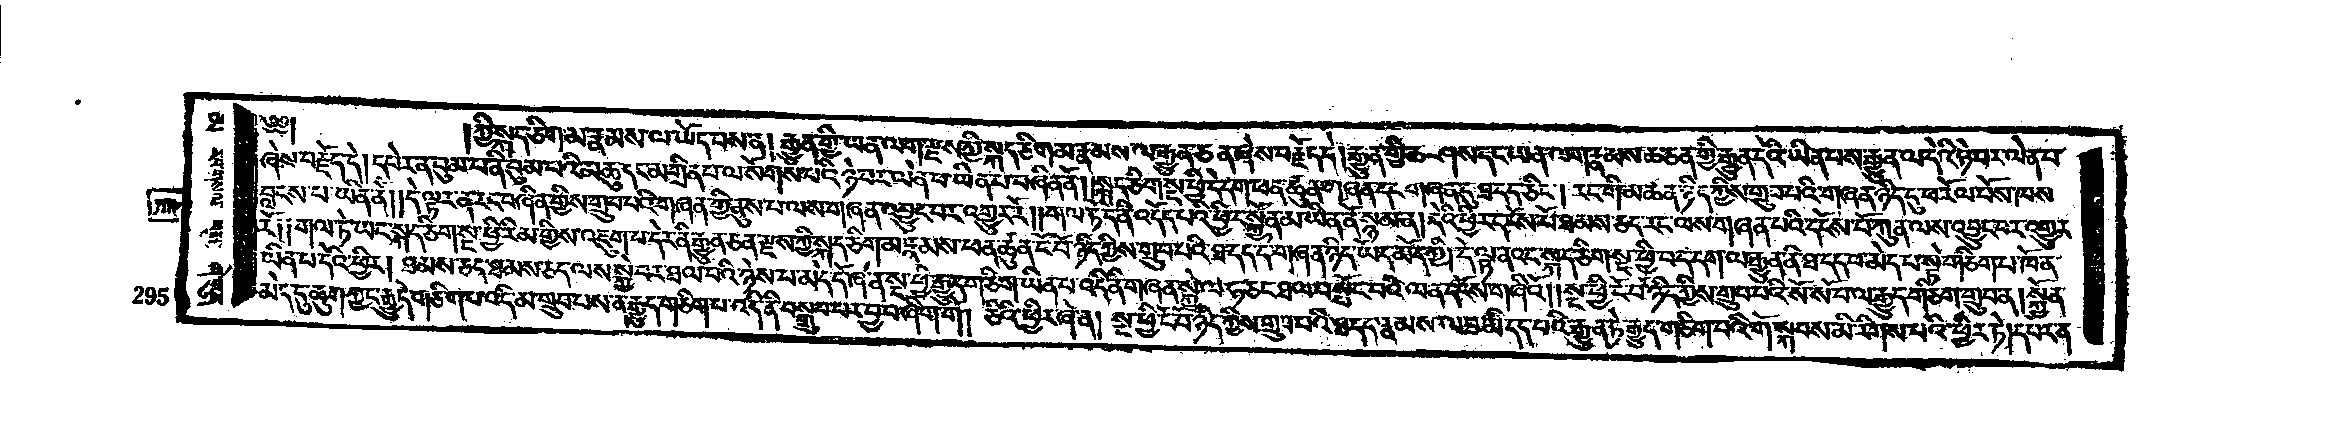༄༅། །ཀྱི་སྐད་ཅིག་མ་རྣམས་ལ་ཡོད་པས་ན། རྒྱུན་གྱི་ཡན་ལག་རྫས་ཀྱི་སྐད་ཅིག་མ་རྣམས་ལ་རྒྱུན་ཅན་ཞེས་བརྗོད་དེ། རྒྱུན་གྱི་ཆ་ཤས་དང་ཡན་ལག་རྣམས་ཆ་ཅན་གྱི་རྒྱུན་དེའི་ཡིན་པས་རྒྱུན་ལ་དེའི་ཉེ་བར་ལེན་པ་
ཞེས་བརྗོད་དེ། དཔེར་ན་བུམ་པ་ནི་བུམ་པའི་མཆུ་དང་མགྲིན་པ་ལ་སོགས་པའི་ཉེ་བར་ལེན་པ་ཡིན་པ་བཞིན་ནོ། །སྐད་ཅིག་སྔ་ཕྱི་དེ་དག་ཕན་ཚུན་གཞན་དང་གཞན་དུ་ཐ་དད་ཅིང་། རང་གི་མཚན་ཉིད་ཀྱིས་གྲུབ་པའི་གཞན་ཉིད་དུ་ཕ་རོལ་པོས་ཁས་
བླངས་པ་ཡིན་ནོ། །དེ་ལྟར་ན་རང་བཞིན་གྱིས་གྲུབ་པའི་གཞན་གྱི་ནུས་པ་ལས་གཞན་འབྱུང་བར་འགྱུར་རོ། །གལ་ཏེ་དེ་ནི་འདོད་པའི་ཕྱིར་སྐྱོན་མ་ཡིན་ནོ་སྙམ་ན། དེའི་ཕྱིར་དངོས་པོ་ཐམས་ཅད་རང་ལས་གཞན་པའི་དངོས་པོ་ཀུན་ལས་འབྱུང་བར་འགྱུར་
རོ། །གལ་ཏེ་ཡང་སྐད་ཅིག་སྔ་ཕྱི་རིམ་གྱིས་འཇུག་པ་དེར་ནི་རྒྱུན་ཅན་རྫས་ཀྱི་སྐད་ཅིག་མ་རྣམས་ཕན་ཚུན་ངོ་བོ་ཉིད་ཀྱིས་གྲུབ་པའི་ཐ་དད་དེ་གཞན་ཉིད་ཡོད་མོད་ཀྱི། དེ་ལྟ་ནའང་སྐད་ཅིག་སྔ་ཕྱི་བདེ་དག་ལ་རྒྱུན་ནི་ཐ་དད་པ་མེད་པ་སྟེ་གཅིག་པ་ཁོ་ན་
ཡིན་པ་དེའི་ཕྱིར། ཐམས་ཅད་ཐམས་ཅད་ལས་སྐྱེ་བར་ཐལ་བའི་ཉེས་པ་མེད་དོ་ཞེ་ན་སྔ་ཕྱི་རྒྱུད་གཅིག་ཡིན་པ་འདི་ནི་གཞན་སྐྱེ་ལ་ཧ་ཅང་ཐལ་བ་སྤོང་བའི་ལན་དངོས་གཞིའོ། །སྔ་ཕྱི་ངོ་བོ་ཉིད་ཀྱིས་གྲུབ་པའི་སོ་སོ་བ་ལ་རྒྱུད་གཅིག་གྲུབ་ན། སྐྱོན་
མེད་དུ་ཆུག་ཀྱང་རྒྱུད་གཅིག་པ་འདི་མ་གྲུབ་པས་ན་རྒྱུད་གཅིག་པ་འདི་ནི་བསྒྲུབ་པར་བྱ་བ་ཞིག་གོ །ཅིའི་ཕྱིར་ཞེ་ན། སྔ་ཕྱི་ངོ་བོ་ཉིད་ཀྱིས་གྲུབ་པའི་ཐ་དད་རྣམས་ལ་ཐ་མི་དད་པའི་རྒྱུན་ཏེ་རྒྱུད་གཅིག་པའི་གོ་སྐབས་མི་རིགས་པའི་ཕྱིར་ཏེ། དཔེར་ན་